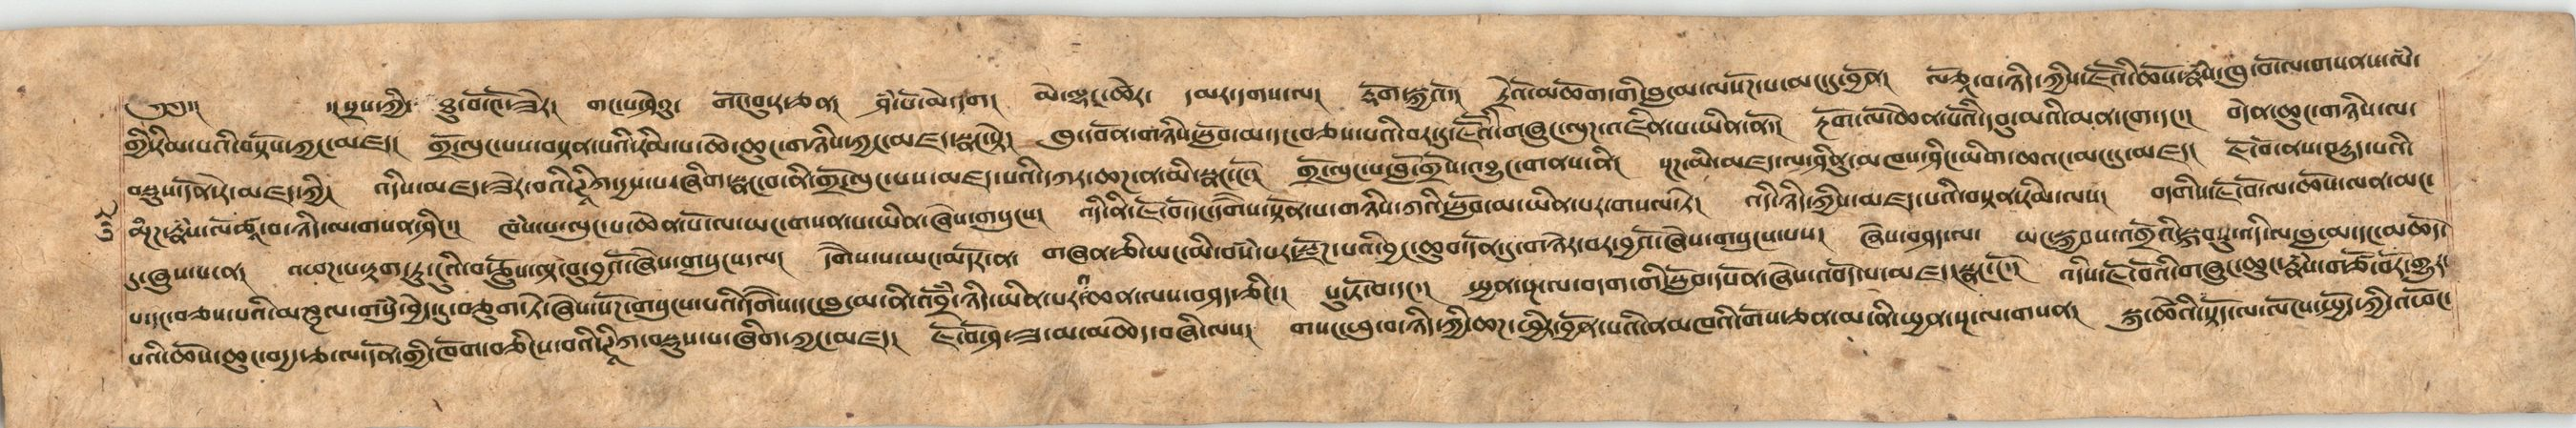༄༅་། ་།སྲས་ཀྱི་ ཐུ་བོ་༤ོ་ཟེར། གང་པ་ཤེའུ་ གོང་བུ་ར་ཅན། ཤཾ་པོ་མེ་དག། མེ་ལྷང་ཚེར་ དམར་དགས་ལ། རྡོག་སྐྱའོ་། ཏྲེའོ་མཆོག་གི་བླ་མ་ལསོཌ་པ་མང་དུ་བྱོན། ལོཙཱ་བ་ཉིད་ཀྱིས་ཇཽའི་ཆོས་རྣཾས་ཁུ་བོ་ལ་གསནས་ལཾ་
གྱི་རིམ་པའི་བསྟོས་ཀྱང་མཛད། གྲོ་ལུང་པས་བསྟན་པའི་རིམ་པ་ཆེ་ཆུང་གཉིས་ཀྱང་མཛད་སྣང་སྟེ། ཁུ་དབོན་གཉིས་་སློབ་མ་དང་བཅས་པའི་བར་དུ་ཇཽའི་གཞུང་ལུཌ་འཛིན་པ་ཡིན་ནོ་། རྔོག་ལོ་ཆེན་པོའི་དབུ་མའི་མན་ངག་དང་། བདེན་ཆུང་གཉིས་ལ་
བསྡུས་དོན་རེ་མཛད་ཀྱི། འདིས་མཛད་ཟེར་བའི་ཊཱིཀ་དྱས་པ་ཞིག་སྣང་བ་ནི་གྲོ་ལུང་པས་མཛད་པའི་དཀར་ཆཌ་ན་མི་སྣང་ངོ་། གྲོ་ལུང་པ་བློ་གྲོས་འབྱུང་གནས་ནི། སྔཌ་མི་མཛད་ལ་ཤིནུ་མཁས་ཤིང་ཡིག་ཆའང་མང་དུ་མཛད། ཇོ་བོ་ནས་བདྱུད་པའི་
བསྔཾཌ་རྣཾས་ལོཙཱ་བ་ཉིད་ལ་གསན་ཤིང་། ཁཾས་པ་ལུང་པ་ཆེན་པོ་ལ་ཡང་གསན་པ་ཡིན་ཞེས་གསུངས། འདི་ནི་ཇོ་བོ་དང་དགཻས་སྟོན་པ་གཉིས་ཀའི་སློབ་མ་ཡིན་པར་གསལ་ཏེ། འདི་ཉིད་ཀྱིས་མཛད་པའི་བསྟན་རིམ་ལས། བདགིས་ཇོ་བོ་ལ་ཆོས་ལན་མང་
དུ་ཞུས་པ་ན། འཕཌ་པ་རྟག་ཏུ་ངུའི་བརྩོནྲུས་ལྟ་བུ་བྱའོ་ཞེས་གསུངས་ལ། དགཻས་པ་ཡང་མདོར་ན། གཞན་ཅི་ཡང་མི་བསཾ་པར་སྫོཌ་པའི་བྱང་ཆུབ་དོན་དུ་གཉེར་བར་བྱའོ་ཞེས་གསུངས་པས། ཞེས་བཤད་ལ། ཡང་སྐྱབས་འགྲོའི་སྐབསུ་འདི་ལ་བླ་མ་དང་མཆོད་
པ་དང་བཅས་པའི་མཎྜལ་གསུཾ་བྱེད་དུ་བཅུག་ཏེ་ཞེས་སོཌ་གསུངས་པའི་དགཻས་དང་བླ་མ་ནི་འབྲོཾ་ཉིད་ཡིན་པར་མཆན་ལས་བཤད་ཅིང་། པུ་ཏོ་བ་དང་། སྤྱན་སྔ་ལ་བདག་གི་སློབ་དཔོན་ཞེས་འབོད་པ་མཛད་སྣང་ངོ་། འདིས་ཇོ་བོའི་གཞུང་ཆུང་རྣཾས་གཙོ་བོར་གྱུར་
པའི་ཆོས་ཆུང་བདྱ་རྩ་ལ་དོན་གྱི་ཁོག་འཅིངས་བའི་ཊཱིཀ་བསྡུས་པ་ཞིག་ཀྱང་མཛད། ཇོ་བོ་ཤ་ཟ་མ་མཆེད་བཞི་ལས། གསང་ཕུ་བ་ཉིད་ཀྱི་ཆཌ་ཕྱིར་བྱོན་པའི་ནམཁའི་གོས་ཅན་མ་ནི་སྤྱན་སྔ་ལ་གསན། སྐུ་ཚེའི་སྟོད་ལ་ལོངས་སྤྱོད་ཀྱི་འཕོང་